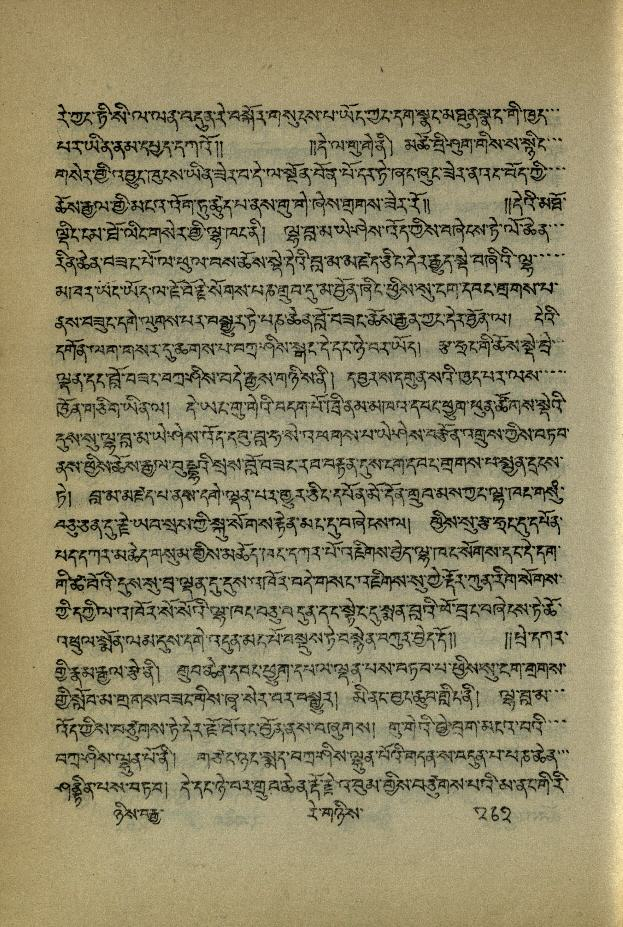རེ་ཀྱང་ཏི་སི་ལ་ལན་བདུན་རེ་བསྐོར་གསུངས་པ་ཡོད་ཀྱང་དག་སྣང་མཐུན་སྣང་གི་ཁྱད་
པར་ཡིན་ནམ་དཔྱད་དཀའོ།། །།དེ་ལ་གུ་གེ་ནི། མཚོ་བྲི་ཤུག་གིས་ས་སྙིང་
གསེར་གྱི་འབྱུང་ཁུངས་ཡིན་ཟེར་བ་དེ་ལ་སྔོན་བོན་པོ་དར་ཏེ་ཞང་ཞུང་ཟེར་ནའང་བོད་ཀྱི་
ཆོས་རྒྱལ་གྱི་མངའ་འོག་ཏུ་ཚུད་པ་ནས་གུ་གེ་ཞེས་གྲགས་ཟེར་རོ།། །།དེའི་མཐོ་
ལྡིང་ངམ་ཐོ་ལིང་གསེར་གྱི་ལྷ་ཁང་ནི། ལྷ་བླ་མ་ཡེ་ཤེས་འོད་ཀྱིས་བཞེངས་ཏེ་ལོ་ཆེན་
རིན་ཆེན་བཟང་པོ་ལ་ཕུལ་བས་ཆོས་སྡེ་དེའི་བླ་མ་མཛད་ཅིང་དེར་རྒྱུད་སྡེ་བཞིའི་ལྷ་
མཁར་ཡོང་ཡོད་ལ་ཇོ་བོ་རྗེ་སོགས་པཎ་གྲུབ་དུ་མ་བྱོན་ཞིང་ཕྱིས་སུ་ངག་དབང་གྲགས་པ་
ནས་བཟུང་དགེ་ལུགས་པར་བསྒྱུར་ཏེ་པཎ་ཆེན་བློ་བཟང་ཆོས་རྒྱན་ཀྱང་དེར་བྱོན་ལ། དེའི་
དགོན་ལག་གསར་དུ་ཆགས་པ་བཀྲ་ཤིས་སྒང་དེ་དང་ཉེ་བར་ཡོད། རྩ་ཧྲང་གི་ཆོས་སྡེ་བྲེ་
ལྡན་དང་བློ་བཟང་བཀྲ་ཤིས་བདེ་རྒྱས་གཉིས་ནི། དབྱར་ས་དགུན་སའི་ཁྱད་པར་ལས་
ཁྱོན་གཅིག་ཡིན་ལ། དེ་ཡང་གུ་གེའི་བདག་པོ་ཁྲི་ནམ་མཁའ་དབང་ཕྱུག་ཕུན་ཚོགས་སྡེའི་
དུས་སུ་ལྷ་བླ་མ་ཡེ་ཤེས་འོད་དབུ་བླ་ཧ་སེ་འཕགས་པ་ཡེ་ཤེས་བརྩོན་འགྲུས་ཀྱིས་བཏབ་
ནས་ཕྱིས་ཆོས་རྒྱལ་བུདྡྷའི་སྲས་བློ་བཟང་རབ་བརྟན་དུས་ངག་དབང་གྲགས་པ་སྤྱན་དྲངས་
ཏེ། བླ་མ་མཛད་པ་ནས་དགེ་ལྡན་པར་གྱུར་ཅིང་དཔོན་མོ་དོན་གྲུབ་མས་ཀྱང་ལྷ་ཁང་གསུཾ་
བཅུ་ཅན་དུ་རྗེ་ཡབ་སྲས་ཀྱི་སྐུ་སོགས་རྟེན་མང་དུ་བཞེངས་ལ། ཕྱིས་སུ་རྩ་ཧྲང་དུ་དཔོན་
པད་དཀར་མཆེད་གསུམ་གྱིས་མཆོད་ཁང་དཀར་པོ་འཇིགས་བྱེད་ལྷ་ཁང་སོགས་དང་དེ་དག་
གི་ཚ་བོའི་དུས་སུ་བྲ་ལྡན་དུ་དུས་འཁོར་བདེ་གསང་འཇིགས་སུ་ཀྱེ་རྡོར་ཀུན་རིག་སོགས་
ཀྱི་དཀྱིལ་འཁོར་སོ་སོའི་ལྷ་ཁང་བཅུ་བདུན་དང་སྟེང་དུ་སྨན་བླའི་ཕོ་བྲང་བཞེངས་ཏེ་ཆོ་
འཕྲུལ་སྨོན་ལམ་དུས་དགེ་འདུན་མང་པོ་བསྡུས་ཏེ་བསྙེན་བཀུར་བྱེད་དོ།། །།པྲེ་དཀར་
གྱི་རྣམ་རྒྱལ་རྩེ་ནི། གྲུབ་ཆེན་དབང་ཕྱུག་དཔལ་ལྡན་པས་བཏབ་པ་ཕྱིས་སུ་ངག་གྲགས་
གྱི་སློབ་མ་གྲགས་བཟང་གིས་ཞྭ་སེར་བར་བསྒྱུར། མི་ནང་བྱང་ཆུབ་གླིང་ནི། ལྷ་བླ་མ་
འོད་ཀྱིས་བཙུགས་ཏེ་དེར་ཇོ་བོའང་བྱོན་ནས་བཞུགས། གུ་གེའི་བྱེ་བྲག་མངའ་བའི་
བཀྲ་ཤིས་ལྷུན་པོ་ནི། གཙང་ཉང་སྨད་བཀྲ་ཤིས་ལྷུན་པོའི་གདན་ས་བདུན་པ་པཎ་ཆེན་
ཤནྟིན་པས་བཏབ། དེ་དང་ཉེ་བར་གྲུབ་ཆེན་རྡོ་རྗེ་འབུམ་གྱིས་བཙུགས་པའི་མ་ནང་གི་རི་